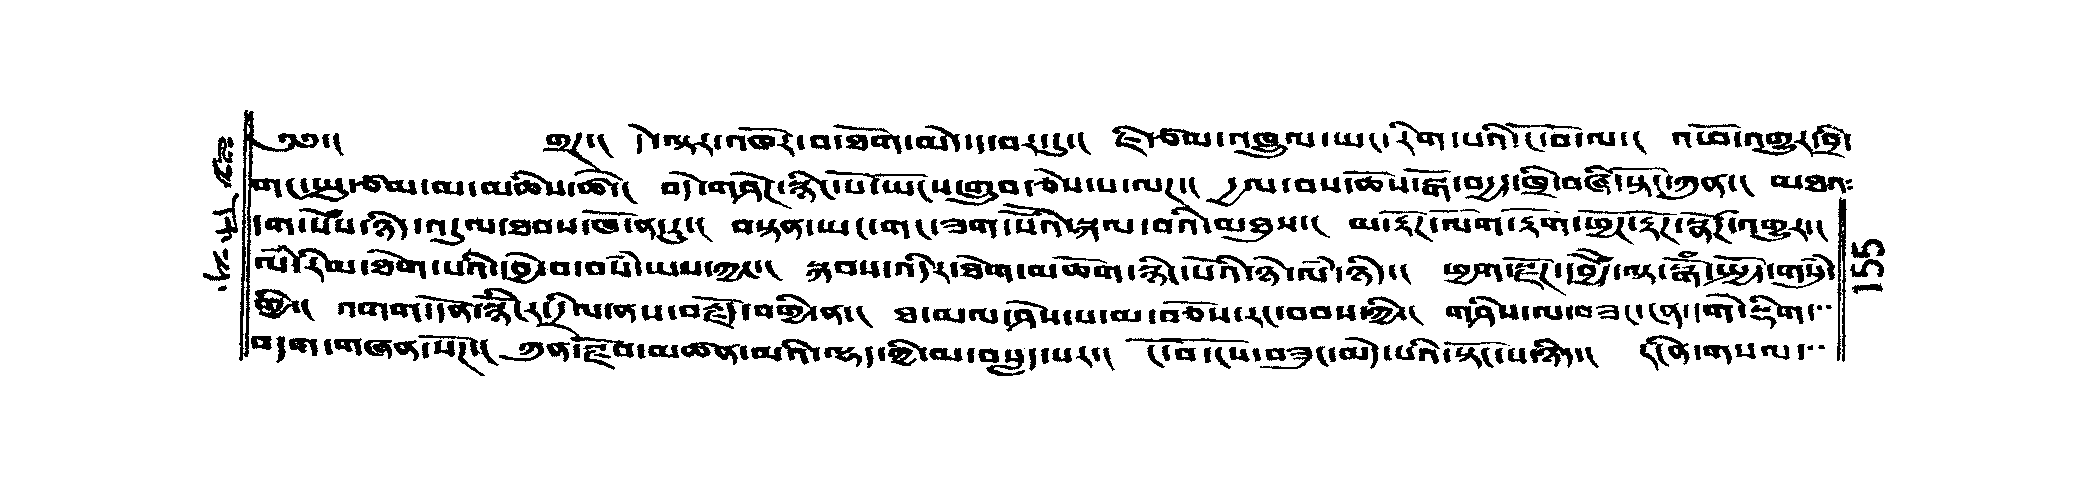གྲགས། །དེ་ལྟར་འཁོར་བ་ཐོག་མེད་ད་བར་དུ། །ཇི་ཙམ་འཁྲུལ་ཡང་རིག་པའི་ངོ་བོ་ལ། །འཕོ་འགྱུར་བྲི་
གང་སྤུ་ཙམ་མ་མཆིས་ཚེ། །བདེ་གཤེགས་སྙིང་པོ་ཡོངས་གྲུབ་ཅེས་པ་ལགས། །རྒྱལ་བས་ཆོས་སྒོ་བརྒྱད་ཁྲི་བཞི་སྟོང་ཀུན། །མཐའ་
དག་སེམས་ཉིད་འདུལ་ཐབས་ཁོ་ན་རུ། །བསྟན་ཡང་གང་ཟག་སོ་སོའི་སྐལ་བའི་མཐུས། །མ་རྟོགས་ལོ་རྟོགས་ཕྱོགས་རྟོགས་སྣ་ཚོགས་འགྱུར། །
ལམ་རིམ་ཐེག་པའི་དབྱེ་བ་བསམ་ཡས་ཀྱང་། །སྐབས་འདིར་ཐེག་མཆོག་སྙིང་པོའི་ཉེ་ལམ་ཉིད། །ཕྱག་རྫོགས་དབྱེར་མེད་ལྟ་སྒོམ་སྤྱོད་གསུམ་
གྱི། །འགག་དོན་སྙིང་པོར་དྲིལ་ནས་བརྗོད་བགྱི་ན། །ཐ་མལ་ཤེས་པ་མ་བཅོས་རང་བབས་ཀྱི། །གཤིས་ལ་བཟང་ངན་དགེ་སྡིག་
བདག་གཞན་སོགས། །ཀུན་རྫོབ་མཚན་མའི་ལྷད་ཀྱི་མ་བསླད་པར། །ངོ་བོ་ངོས་བཟུང་མེད་པའི་སྟོང་པ་ཉིད། །རང་བཞིན་གསལ་